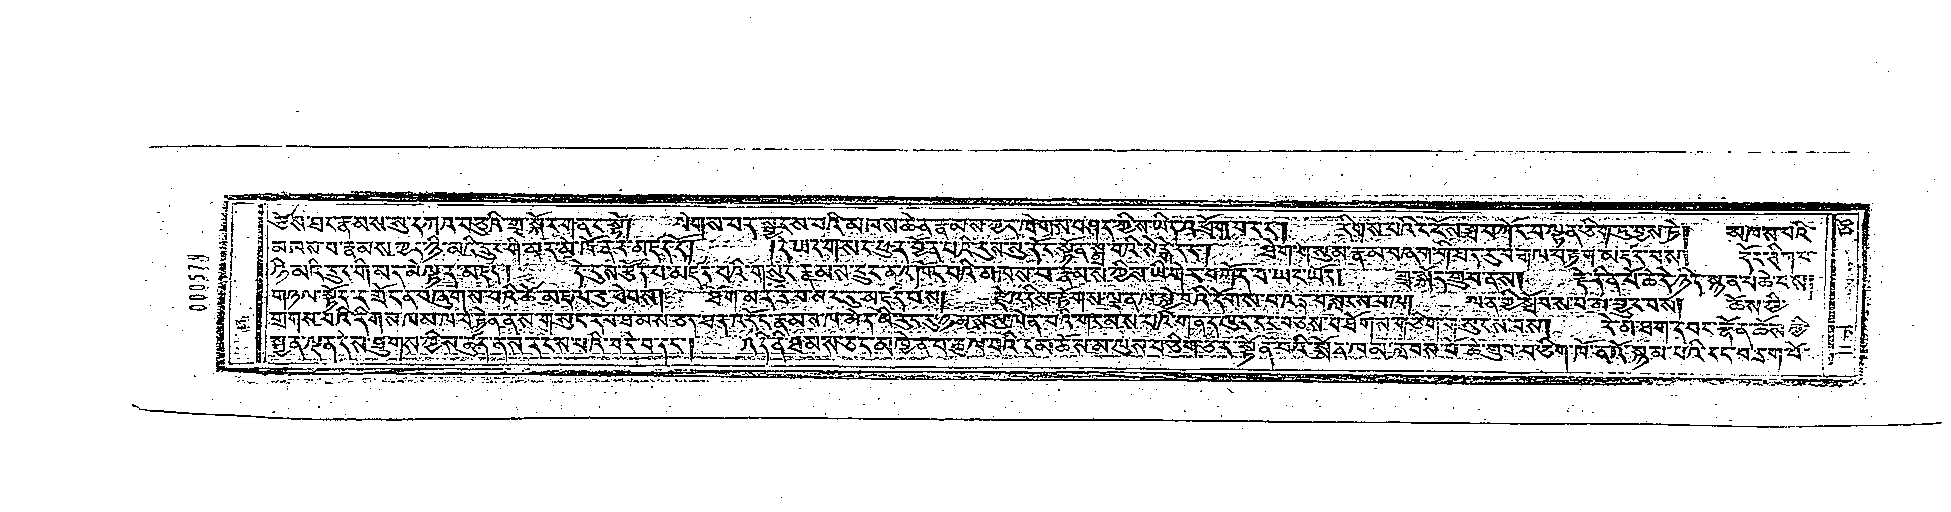རྩེས་ཐང་རྣམས་སུ་དཀའ་བཅུའི་གྲྭ་སྐོར་གནང་སྟེ། ལེགས་པར་སྤྱངས་པའི་མཁས་ཆེན་རྣམས་ཀྱང་ལེགས་བཤད་ཀྱིས་ཡིད་འཕྲོག་པ་དང་། རིགས་པའི་ང་རོ་ས་སྤ་བཀོང་བ་ལྷན་ཅིག་ཏུ་བྱས་ཏེ། མཁས་པའི་
མཁས་པ་རྣམས་ཀྱང་ཉི་མའི་དྲུང་གི་མར་མེ་ཁོ་ནར་མཛད་དོ། །དེ་ཡང་གསང་ཕུར་བྱོན་པའི་དུས་སུ་དོར་སྟོན་སྨྲ་བའི་སེངྒེ་དང་། ཐེག་གསུམ་རྣམ་བཞག་གི་ཐད་དུ་བརྒལ་བརྟག་མཛད་པས། རོང་ཊིཀ་པ་
ཉི་མའི་དྲུང་གི་མད་མེ་ལྟར་མཛད། དེ་དུས་རྩོད་པ་མཛད་པའི་གསུང་རྣམས་དྲུང་ན་འཁོར་པའི་མཁས་པ་རྣམས་ཀྱིས་ཡི་གེར་བཀོད་པ་ཡང་ཡོད། གྲྭ་སྐོར་གྲུབ་ནས། རྗེ་རིན་པོ་ཆེ་དེ་ཉིད་སྙན་པ་ཆེ་བས།
གཉལ་སྟོད་ར་གྲོད་ན་བཞུགས་པའི་ཚེ་མཇལ་དུ་ཕེབས། ཐོག་མར་དྲི་བ་མང་དུ་མཛད་བས། རྗེ་འདིས་རྟོགས་ལྡན་ལ་སྐྱེ་བའི་དོགས་པ་འདྲ་བསླངས་པ་ལ། ལན་གྱི་སྤོབས་པ་མ་བྱུང་བས། ཆོས་ཀྱི་
གྲགས་པའི་རིགས་ལམ་ལ་བརྟེན་ནས་གསུང་རབ་ཐམས་ཅད་ཐར་འདོད་རྣམས་ལ་མེད་མི་རུང་དུ་ཉམས་སུ་ལེན་པའི་གང་མས་པའི་གནད་ལུང་དང་བཅས་པ་ཐོགས་གཅིག་གསུངས་བས། དེ་མ་ཐག་དབང་རྣོན་ཆོས་ཀྱི་
སྤྱན་ལྡན་དེས་ཐུགས་ཀྱིས་ཚུད་ནས་རངས་པའི་བདེ་བ་དང་། འདི་ནི་ཐམས་ཅད་མཁྱེན་པ་རྒྱལ་བའི་དམ་ཆོས་མ་ལུས་པ་ཅིག་ཅར་སྟོན་པའི་སྨོན་ཁམ་རླབས་པོ་ཆེ་གྲུབ་པ་ཅིག་ཁོ་ནའོ་སྙམ་པའི་དང་བ་དྲག་པོ་